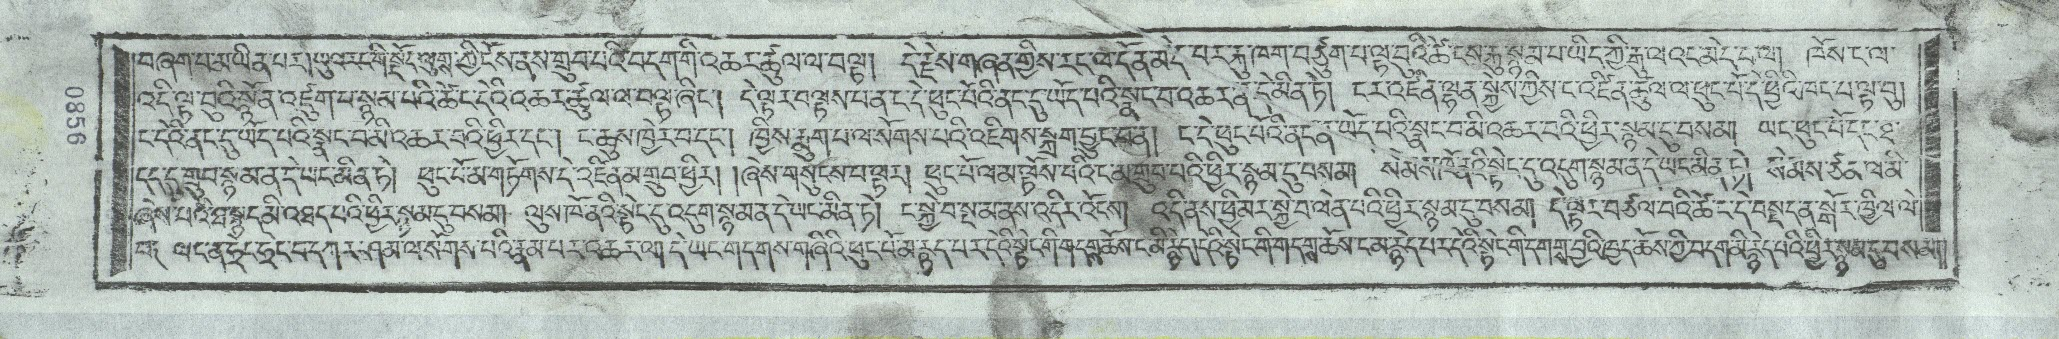བཞག་པ་མ་ཡིན་པར། ཡུལ་རང་གི་སྡོང་ལུགས་ཀྱི་ངོས་ནས་གྲུབ་པའི་བདག་གི་འཆར་ཚུལ་ལ་བལྟ། དེ་རྗེས་གཞན་གྱིས་རང་ལ་དོན་མེད་པར་རྐུ་ཁག་བཙུག་པ་ལྟ་བུའི་ཚེ་ངས་རྐུ་སྙམ་པ་ཡིད་ཀྱི་རྒུ་ལའང་མེད་པ་ལ། ཁོས་ང་ལ་
འདི་ལྟ་བུའི་སྙོན་འཛུག་པ་སྙམ་པའི་ཚེ་ང་དེའི་འཆར་ཚུལ་ལ་བལྟ་ཞིང་། དེ་ལྟར་བལྟས་པ་ན་ང་དེ་ཕུང་པོའི་ནང་དུ་ཡོད་པའི་སྣང་བ་འཆར་ན་དེ་མིན་ཏེ། ངར་འཛིན་ལྷན་སྐྱེས་ཀྱིས་ང་འཛིན་ཚུལ་ལ་ཕུང་པོ་དེ་ཕྱིའི་ཁང་པ་ལྟ་བུ།
ང་དེའི་ནང་དུ་ཡོད་པའི་སྣང་བ་མི་འཆར་བའི་ཕྱིར་དང་། ང་ཆུས་ཁྱེར་བ་དང་། ཁྱིས་རྨུག་པ་ལ་སོགས་པའི་འཇིགས་སྐྲག་བྱུང་བ་ན། ང་དེ་ཕུང་པོའི་ནང་ན་ཡོད་པའི་སྣང་བ་མི་འཆར་བའི་ཕྱིར་སྙམ་དུ་བསམ། ཡང་ཕུང་པོ་དང་ཐ་
དད་དུ་གྲུབ་སྙམ་ན་དེ་ཡང་མིན་ཏེ། ཕུང་པོ་མ་གཏོགས་དེ་འཛིན་མ་གྲུབ་ཕྱིར། །ཞེས་གསུངས་པ་ལྟར། ཕུང་པོ་ལ་མ་ལྟོས་པའི་ང་མ་གྲུབ་པའི་ཕྱིར་སྙམ་དུ་བསམ། སེམས་ཁོ་ནའི་སྟེང་དུ་འདུག་སྙམ་ན་དེ་ཡང་མིན་ཏེ། སེམས་ཙམ་ལ་མི་
ཞེས་པའི་ཐ་སྙད་མི་འཐད་པའི་ཕྱིར་སྙམ་དུ་བསམ། ལུས་ཁོ་ནའི་སྟེང་དུ་འདུག་སྙམ་ན་དེ་ཡང་མིན་ཏེ། ང་སྐྱེ་བ་སྔ་མ་ནས་འདིར་འོངས། འདི་ནས་ཕྱི་མར་སྐྱེ་བ་ལེན་པའི་ཕྱིར་ཁྱིལ་
བ༑ ལང་ན་ཧྲེང་ཧྲེང་པད་ཀར་ཤམ་ལ་སོགས་པའི་རྣམ་པར་འཆར་ལ། དེ་ཡང་གདགས་གཞིའི་ཕུང་པོ་མ་རྙེད་པར་དེའི་སྟེང་གི་གདགས་ཆོས་ང་མི་རྙེད། དེའི་སྟེང་གི་གདགས་ཆོས་ང་མ་རྙེད་པར་དེའི་སྟེང་གི་དགགས་བྱའི་ཁྱད་ཆོས་ཀྱི་བདག་མི་རྙེད་པའི་ཕྱིར་སྙམ་དུ་བསམ།།